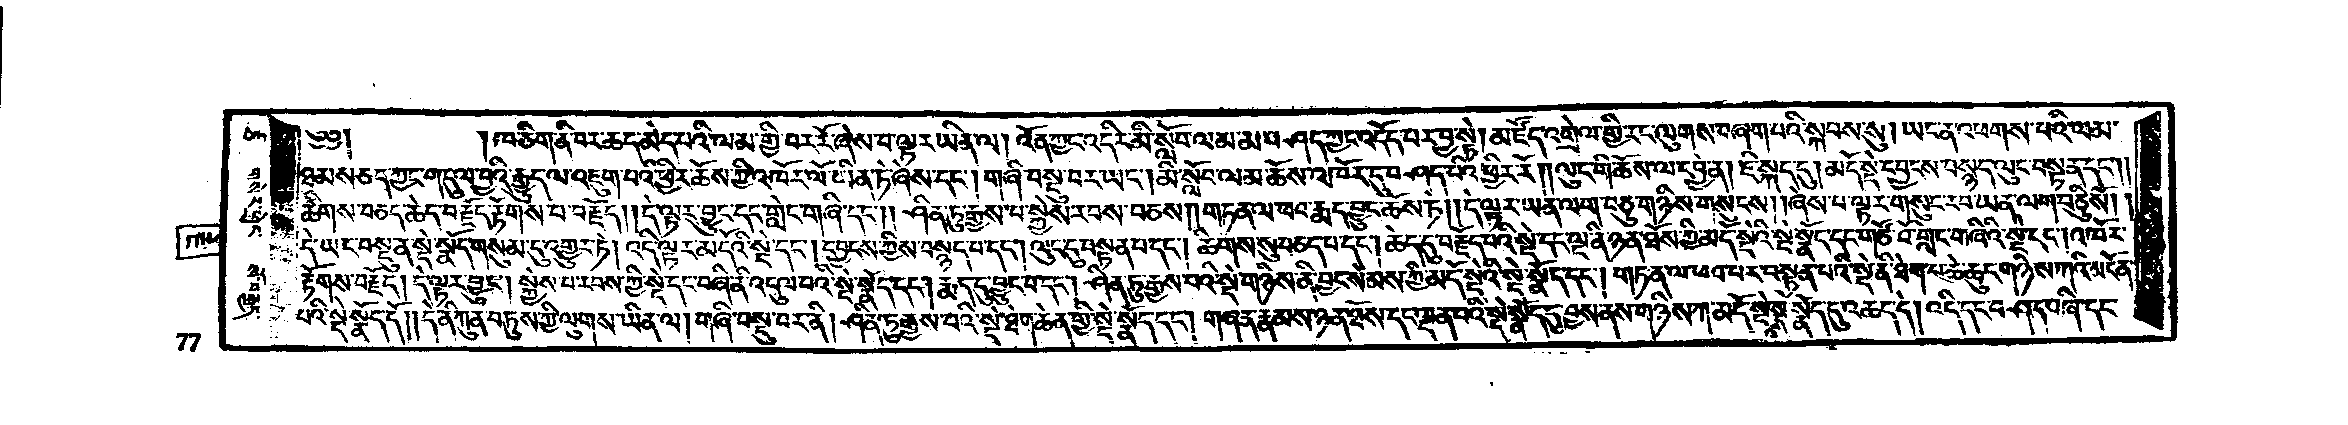༄༅། །ཁ་ཅིག་ནི་བར་ཆད་མེད་པའི་ལམ་གྱི་བར་རོ་ཞེས་པ་ལྟར་ཡིན་ལ། འོན་ཀྱང་འདིར་མི་སློབ་ལམ་མ་བཤད་ཀྱང་འདོད་པར་བྱ་སྟེ། མཛོད་འགྲེལ་གྱི་རང་ལུགས་བཞག་པའི་སྐབས་སུ། ཡང་ན་འཕགས་པའི་ལམ་
ཐམས་ཅད་ཀྱང་གདུལ་བྱའི་རྒྱུད་ལ་འཇུག་པའི་ཕྱིར་ཆོས་ཀྱི་འཁོར་ལོ་ཡིན་ཏེ་ཞེས་དང་། གཞི་བསྡུ་བར་ཡང་། མི་སློབ་ལམ་ཆོས་འཁོར་དུ་བཤད་པའི་ཕྱིར་རོ། །ལུང་གི་ཆོས་ལ་དབྱེ་ན། ཇི་སྐད་དུ། མདོ་སྡེ་དབྱངས་བསྙད་ལུང་བསྟན་དང་། །
ཚིགས་བཅད་ཆེད་བརྗོད་རྟོགས་པ་བརྗོད། །དེ་ལྟར་བྱུང་དང་གླེང་གཞི་དང་། །ཤིན་ཏུ་རྒྱས་པ་སྐྱེས་རབས་བཅས། །གཏན་ལ་ཕབ་རྨད་བྱུང་ཆོས་ཏེ། །དེ་ལྟར་ཡན་ལག་བཅུ་གཉིས་གསུངས། །ཞེས་པ་ལྟར་གསུང་རབ་ཡན་ལག་བཅུ་གཉིས་སོ། །
དེ་ཡང་བསྡུ་ན་སྡེ་སྣོད་གསུམ་དུ་འགྱུར་ཏེ། འདི་ལྟར་མདོའི་སྡེ་དང་། དབྱངས་ཀྱིས་བསྙད་པ་དང་། ལུང་དུ་བསྟན་པ་དང་། ཚིགས་སུ་བཅད་པ་དང་། ཆེད་དུ་བརྗོད་པའི་སྡེ་དང་ལྔ་ནི་ཉན་ཐོས་ཀྱི་མདོ་སྡེའི་སྡེ་སྣོད་དང་གཙོ་བོ་གླེང་གཞིའི་སྡེ་དང་། འཁོར་
རྟོགས་བརྗོད། དེ་ལྟར་བྱུང་། སྐྱེས་པ་རབས་ཀྱི་སྡེ་དང་བཞི་ནི་འདུལ་བའི་སྡེ་སྣོད་དང་། རྨད་དུ་བྱུང་བ་དང་། ཤིན་ཏུ་རྒྱས་པའི་སྡེ་གཉིས་ནི་བྱང་སེམས་ཀྱི་མདོ་སྡེའི་སྡེ་སྣོད་དང་། གཏན་ལ་ཕབ་པར་བསྟན་པའི་སྡེ་ནི་ཐེག་པ་ཆེ་ཆུང་གཉིས་ཀའི་མངོན་
པའི་སྡེ་སྣོད་དོ། །དེ་ནི་ཀུན་བཏུས་ཀྱི་ལུགས་ཡིན་ལ། གཞི་བསྡུ་བར་ནི། ཤིན་ཏུ་རྒྱས་པའི་སྡེ་ཐེག་ཆེན་གྱི་སྡེ་སྣོད་དང་། གཞན་རྣམས་ཉན་ཐོས་དང་ལྡན་པའི་སྡེ་སྣོད་དུ་བྱས་ནས་གཉིས་ཀ་མདོ་སྡེའི་སྡེ་སྣོད་དུ་འཆད་དེ། འདི་དང་བཤད་གཞི་དང་